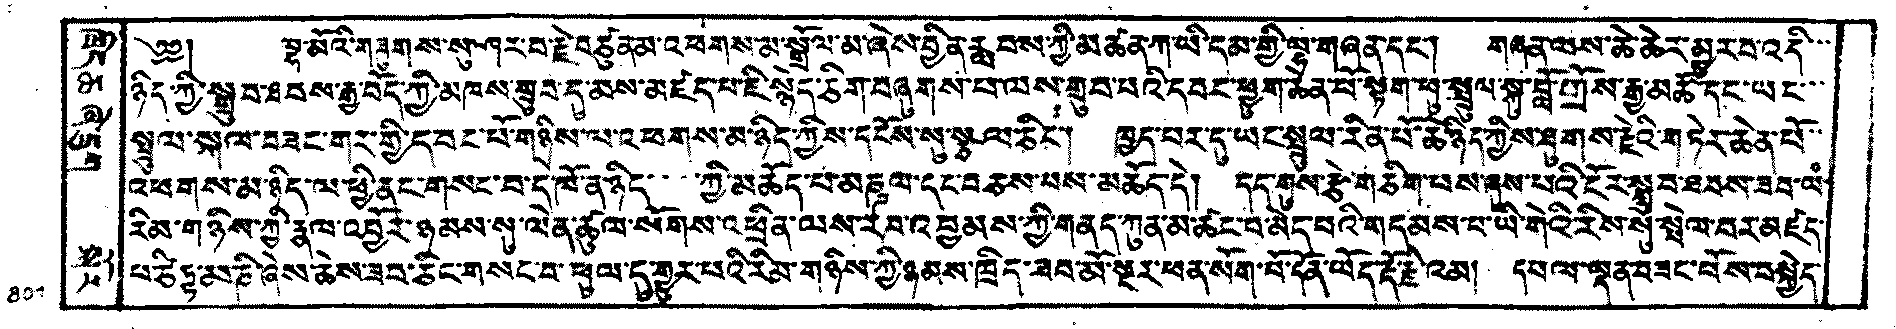༄༅། །ལྷ་མོའི་གཟུགས་སུ་ཤར་བ་རྗེ་བཙུན་མ་འཕགས་མ་སྒྲོལ་མ་ཞེས་བྱིན་རླབས་ཀྱི་མཚན་ཀ་ཡི་དམ་གྱི་ལྷ་གཞན་དང་། གཞན་ལས་ཆེ་ཆེར་མྱུར་བ་འདི་
ཉིད་ཀྱི་སྒྲུབ་ཐབས་རྒྱ་བོད་ཀྱི་མཁས་གྲུབ་དུ་མས་མཛད་པ་ཇི་སྙེད་ཅིག་བཞུགས་པ་ལས་གྲུབ་པའི་དབང་ཕྱུག་ཆེན་པོ་སྟག་ཕུ་སྤྲུལ་སྐུ་བློ་གྲོས་རྒྱ་མཚོ་དང་ཡང་
སྤྲུལ་སྐལ་བཟང་གར་གྱི་དབང་པོ་གཉིས་ལ་འཕགས་མ་ཉིད་ཀྱིས་དངོས་སུ་སྩལ་ཅིང་། ཁྱད་པར་དུ་ཡང་སྤྲུལ་རིན་པོ་ཆེ་ཉིད་ཀྱིས་ཐུགས་རྗེའི་གཏེར་ཆེན་པོ་
འཕགས་མ་ཉིད་ལ་ཕྱི་ནང་གསང་བ་དེ་ཁོ་ན་ཉིད་ཀྱི་མཆོད་པ་མཎྜལ་དང་བཅས་པས་མཆོད་དེ། དད་གུས་རྩེ་གཅིག་པས་ཞུས་པའི་ངོར་སྒྲུབ་ཐབས་ཟབ་ལཾ་
རིམ་གཉིས་ཀྱི་རྣལ་འབྱོར་ཉམས་སུ་ལེན་ཚུལ་སོགས་འཕྲིན་ལས་རབ་འབྱམས་ཀྱི་གནད་ཀུན་མ་ཚང་བ་མེད་པའི་གདམས་པ་ཡི་གེའི་རིས་སུ་སྤེལ་བར་མཛད་
པ་ཙིཏྟ་མ་ཎི་ཞེས་ཆེས་ཟབ་ཅིང་གསང་བ་ཕུལ་དུ་གྱུར་པའི་རིམ་གཉིས་ཀྱི་ཉམས་ཁྲིད་ཟབ་མོ་སྔར་ཕན་སོག་པོ་དོན་ཡོད་རྡོ་རྗེ་འམ། དཔལ་ལྡན་བཟང་པོས་བསྐྱེད་